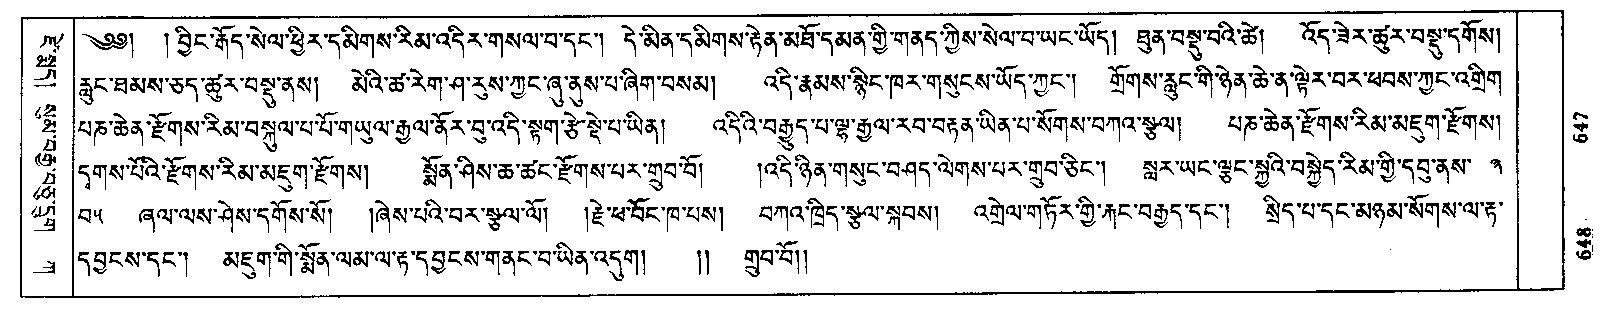༄༅། །བྱིང་རྒོད་སེལ་ཕྱིར་དམིགས་རིམ་འདིར་གསལ་བ་དང་། དེ་མིན་དམིགས་རྟེན་མཐོ་དམན་གྱི་གནད་ཀྱིས་སེལ་བ་ཡང་ཡོད། ཐུན་བསྡུ་བའི་ཚེ། འོད་ཟེར་ཚུར་བསྡུ་དགོས།
རླུང་ཐམས་ཅད་ཚུར་བསྡུ་ནས། མེའི་ཚ་རེག་ཤ་རུས་ཀྱང་ཞུ་ནུས་པ་ཞིག་བསམ། འདི་རྣམས་སྙིང་ཁར་གསུངས་ཡོད་ཀྱང་། གྲོགས་རླུང་གི་ཉེན་ཆེ་ན་ལྟེར་བར་ཕབས་ཀྱང་འགྲིག་
པཎ་ཆེན་རྫོགས་རིམ་བསྐུལ་པ་པོ་གཡུལ་རྒྱལ་ནོར་བུ་འདི་སྟག་རྩེ་སྡེ་པ་ཡིན། འདིའི་བརྒྱུད་པ་ལྷ་རྒྱལ་རབ་བརྟན་ཡིན་པ་སོགས་བཀའ་སྩལ། པཎ་ཆེན་རྫོགས་རིམ་མཇུག་རྫོགས།
དྭགས་པོའི་རྫོགས་རིམ་མཇུག་རྫོགས། སྨོན་ཤིས་ཆ་ཚང་རྫོགས་པར་གྲུབ་བོ། །འདི་ཉིན་གསུང་བཤད་ལེགས་པར་གྲུབ་ཅིང་། སླར་ཡང་ལྕང་སྐྱའི་བསྐྱེད་རིམ་གྱི་དབུ་ནས ༣
བ ༥་ཞལ་ལས་ཤེས་དགོས་སོ། །ཞེས་པའི་བར་སྩལ་ལོ། །རྗེ་ཕ་བོང་ཁ་པས། བཀའ་ཁྲིད་སྩལ་སྐབས། འགྲེལ་གཏོར་གྱི་རྐང་བརྒྱད་དང་། སྲིད་པ་དང་མཉམ་སོགས་ལ་རྟ་
དབྱངས་དང་། མཇུག་གི་སྨོན་ལམ་ལ་རྟ་དབྱངས་གནང་བ་ཡིན་འདུག།། །། གྲུབ་བོ།།